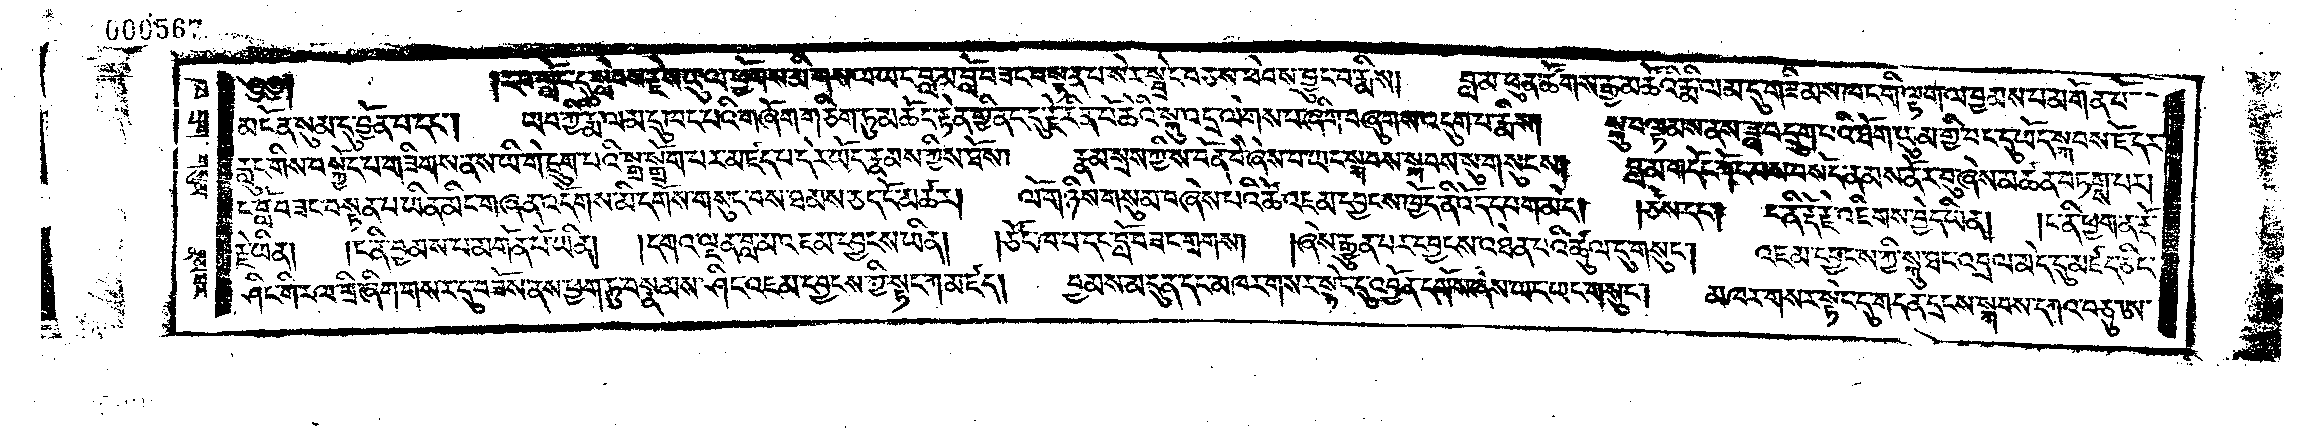༄༅། །རབ་སློང་དུ་སླེབས་རྗེས་ཡུལ་ཕྱོགས་མི་གསལ་ཡང་བླ་མ་བློ་བཟང་བསྟན་པ་སེར་སྦྲེང་བཅས་ཕེབས་བྱུང་བ་རྨིས། བླ་མ་ཕུན་ཚོགས་རྒྱ་མཚོའི་རྨི་ལམ་དུ་གཟིམས་ཁང་གི་ལྟག་ལ་བྱམས་པ་མགོན་པོ་
མངོན་སུམ་དུ་བྱོན་པ་དང་། ཡབ་ཀྱི་རྨི་ལམ་དུ་ཁང་པའི་གཞོག་གཅིག་ཏུ་མཆོད་རྟེན་གྱི་ནང་དུ་རྗེ་རིན་པོ་ཆེའི་སྐུ་འདྲ་ལེགས་པ་ཞིག་བཞུགས་འདུག་པ་རྨིས། སྐུ་བལྟམས་ནས་ཟླ་བ་དྲུག་པའི་ཐོག་ཡུམ་གྱི་བང་དུ་ཡོད་སྐབས་ཇོ་དར་
རླུང་གིས་བསྐྱོད་པ་གཟིགས་ནས་ཡི་གེ་དྲུག་པའི་སྒྲ་སྒྲོག་པར་མཛད་པ་དེར་ཡོད་རྣམས་ཀྱིས་ཐོས། རྣམ་སྲས་ཀྱི་ས་བོན་བཻ་ཞེས་པ་ཡང་སྐབས་སྐབས་སུ་གསུངས། བླ་མ་གདོང་ཀོང་པས་བསོད་ནམས་ནོར་བུ་ཞེས་མཚན་བཏགས་པར།
ང་བློ་བཟང་བསྟན་པ་ཡིན་མིང་གཞན་འདོགས་མི་དགོས་གསུང་བས་ཐམས་ཅད་ངོ་མཚར། ལོ་གཉིས་གསུམ་བཞེས་པའི་ཚེ་འཇམ་དབྱངས་ཁྱོད་ནི་འོད་དཔག་མེད། །ཅེས་དང་། ང་ནི་རྡོ་རྗེ་འཇིགས་བྱེད་ཡིན། །ང་ནི་ཕྱག་ན་རྡོ་
རྗེ་ཡིན། །ང་ནི་བྱམས་པ་མགོན་པོ་ཡིན། །དགའ་ལྡན་བླ་མ་འཇམ་དབྱངས་ཡིན། །ཙོང་ཁ་པ་དང་བློ་བཟང་གྲགས། །ཞེས་རྒྱུན་པར་དབྱངས་འཐེན་པའི་ཚུལ་དུ་གསུང་། འཇམ་དབྱངས་ཀྱི་སྐུ་ཐང་འབྲལ་མེད་དུ་མཛད་ཅིང་
ཤིང་གི་རལ་གྲི་ཞིག་གསར་དུ་བཟོས་ནས་ཕྱག་ཏུ་བསྣམས་ཤིང་འཇམ་དབྱངས་ཀྱི་སྟང་ཀ་མཛད། བྱམས་མདུན་དང་མཁར་གསར་སྟེང་དུ་འབྱོན་དགོས་ཞེས་ཡང་ཡང་གསུང་། མཁར་གསར་སྟེང་དུ་གདན་དྲངས་སྐབས་དཀའ་བཅུ་ཨ་